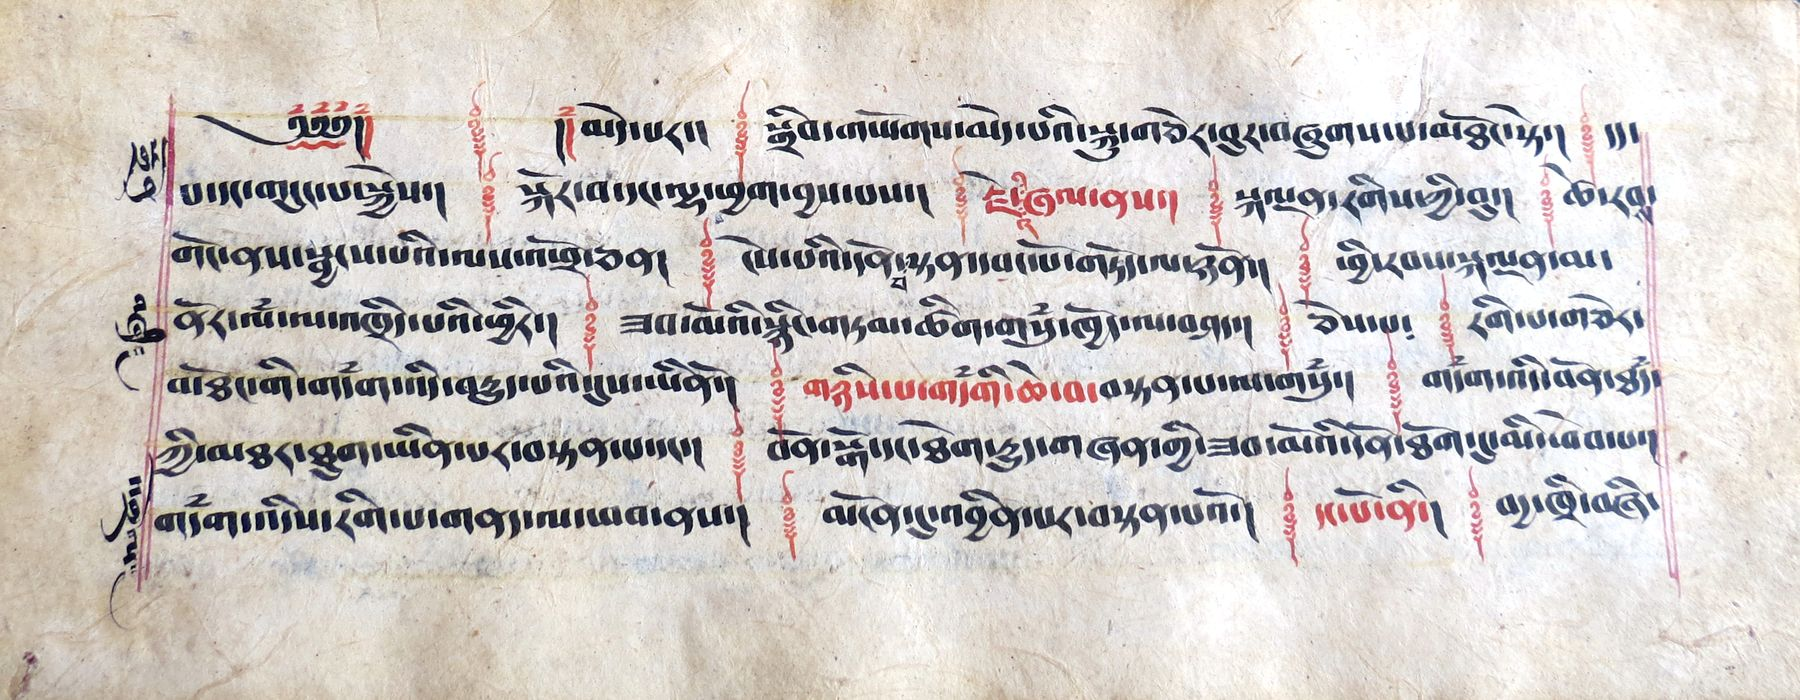མེད་པར། སྒྲིབ་གཡོགས་མེད་པའི་སྐུ་གཅེར་བུར་བཞུགས་པ་མཐོང་སྟེ། དད་
པ་དང་གདུང་བ་སྐྱེས། བསྐོར་བ་དང་ལྷ་ཕྱག་བྱས་པས། རྗེའི་ཞལ་ནས་སྐལ་ལྡན་རིགས་ཀྱི་བུ། ཚེ་རབས་
གོང་ནས་སྦྱངས་པའི་ལས་འཕྲོ་ཅན། ངེས་པའི་དོན་བསྟན་དབང་པོ་གཏོད་ལ་ཉོན། ཕྱི་རབས་སྐལ་ལྡན་མ་
ནོར་ལམ་ལ་འཁྲིད་པའི་ཕྱིར། ཟབ་མོའི་སྙིང་གཏམ་ཚིག་གསུམ་ཁྱོད་ལ་བཤད། །ཅེས་པས་རིག་པ་གཅེར་
མཐོང་གི་གདམ་ངག་འདི་རྒྱུད་པའི་དུས་ཡིན་ནོ། །གཉིས་པ་གདམས་ངག་གི་ཆེ་བ་བསྟན་པ་ལ་གསུམ། གདམས་ངག་འདི་བོན་ཐམས་ཅད་
ཀྱི་མཐར་ཐུག་ཡིན་པར་བསྟན་པ་དང་། བོན་སྒོ་ཐེག་རྒྱུད་གཞན་གྱི་ཟབ་མོའི་དོན་ཐོག་ཏུ་མི་ཕེབས་པ། 
གདམས་ངག་འདིས་རིག་པ་གནད་ལ་ཕབ་ནས། མངོན་དུ་འབྱིན་པར་བསྟན་པའོ། །དང་པོ་ནི། བརྒྱད་ཁྲི་བཞི་